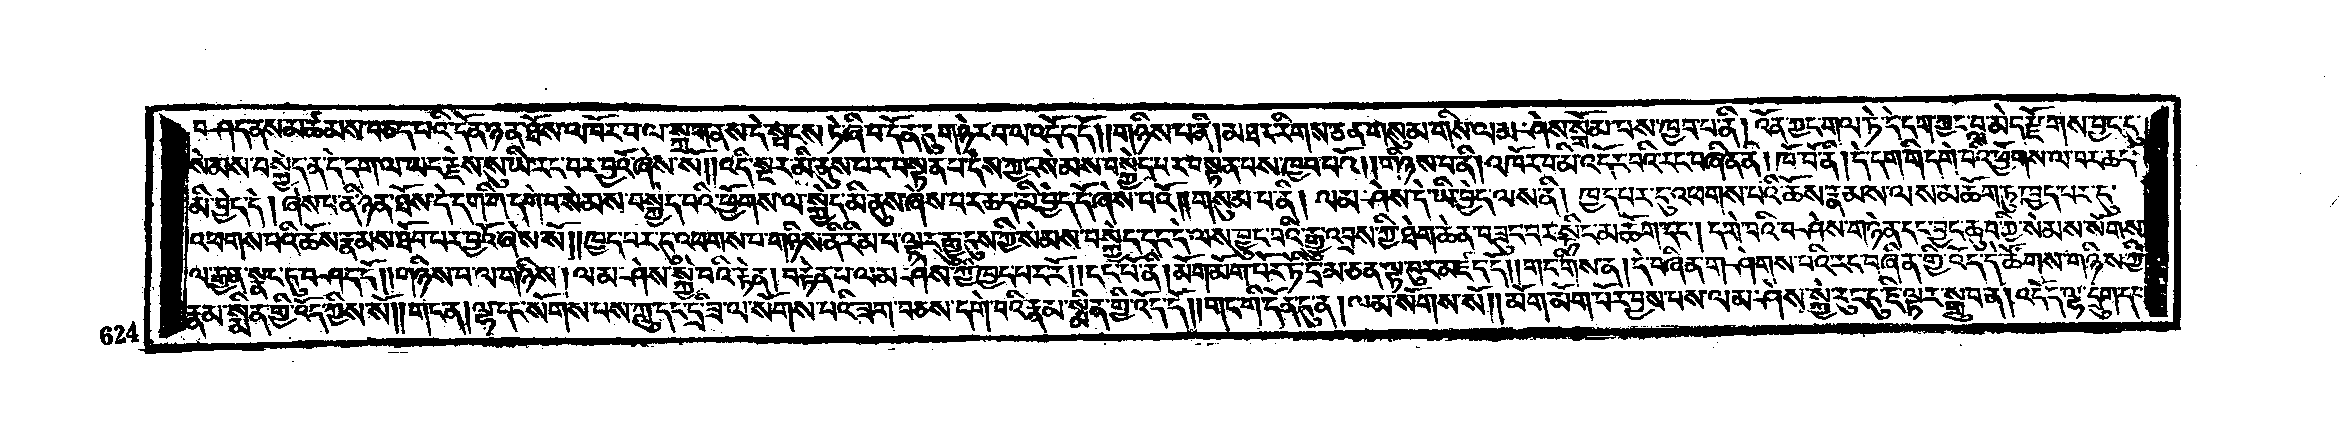བཤད་ནས་མཚམས་བཅད་པའི་དོན་ཉན་ཐོས་འཁོར་བ་ལ་སྐྲག་ནས་དེ་སྤངས་ཏེ་ཞི་བ་དོན་དུ་གཉེར་བ་ལ་འདོད་དོ། །གཉིས་པ་ནི། མཐར་རིགས་ཅན་གསུམ་གསལ་མ་ཤེས་སྦོམ་པས་ཁྱབ་པ་ནི། འོན་ཀྱང་གལ་ཏེ་དེ་དག་ཀྱང་བླ་མེད་རྫོགས་བྱང་དུ་
སེམས་བསྐྱེད་ན་དེ་དག་ལ་ཡང་རྗེས་སུ་ཡི་རང་བར་བྱའོ་ཞེས་སོ། །འདི་སྔར་མི་ནུས་པར་བསྟན་པ་དེས་ཀྱང་སེམས་བསྐྱེད་པར་བསྟན་པས་ཁྱབ་པའོ། །གཉིས་པ་ནི། འཁོར་བ་མི་འདོར་བའི་རང་བཞིན་ནི། ཁོ་བོ་ནི། དེ་དག་གི་དགེ་བའི་ཕྱོགས་ལ་བར་ཆད་
མི་བྱེད་དེ། ཞེས་པ་ནི་ཉན་ཐོས་དེ་དག་གི་དགེ་བ་སེམས་བསྐྱེད་པའི་ཕྱོགས་ལ་སྐྱེད་མི་ནུས་ཞེས་པར་ཆད་མི་བྱེད་དོ་ཞེས་པའོ། །གསུམ་པ་ནི། ལམ་ཤེས་དེ་ཡི་བྱེད་ལས་ནི། ཁྱད་པར་དུ་འཕགས་པའི་ཆོས་རྣམས་ལས་མཆོག་ཏུ་ཁྱད་པར་དུ་
འཕགས་པའི་ཆོས་རྣམས་ཐོབ་པར་བྱའོ་ཞེས་སོ། །ཁྱད་པར་དུ་འཕགས་པ་གཉིས་ནི་རིམ་པ་ལྟར་རྒྱུ་དུས་ཀྱི་སེམས་བསྐྱེད་དང་དེ་ལས་བྱུང་བའི་རྒྱུ་འབྲས་ཀྱི་ཐེག་ཆེན་བཟུང་བར་སྙིང་མཆོག་དང་། དགེ་བའི་བཤེས་གཉེན་དང་བྱང་ཆུབ་ཀྱི་སེམས་སོགས་
ལ་རྒྱན་སྣང་དུ་བཤད་དོ། །གཉིས་པ་ལ་གཉིས། ལམ་ཤེས་སྐྱེ་བའི་རྟེན། བརྟེན་པ་ལམ་ཤེས་ཀྱི་ཁྱད་པར་རོ། །དང་པོ་ནི། མོག་མོག་པོར་ཏེ་དྲི་མ་ཅན་ལྟ་བུར་མཛད་དོ། །གང་གིས་ན། དེ་བཞིན་གཤེགས་པའི་རང་བཞིན་གྱི་འོད་དེ་ཚོགས་གཉིས་ཀྱི་
རྣམ་སྨིན་གྱི་འོད་ཀྱིས་སོ། །གང་ན། ལྷ་དང་སོགས་པས་ཀླུ་དང་དྲི་བ་ལ་སོགས་པའི་ཟག་བཅས་དགེ་བའི་རྣམ་སྨིན་གྱི་འོད་དོ། །གང་གི་དོན་དུ་ན། ལམ་སོགས་སོ། །མོག་མོག་པོར་བྱས་པས་ལམ་ཤེས་སྐྱེ་རུང་དུ་ཇི་ལྟར་སྒྲུབ་ན། འདོད་ལྷ་དྲུག་དང་